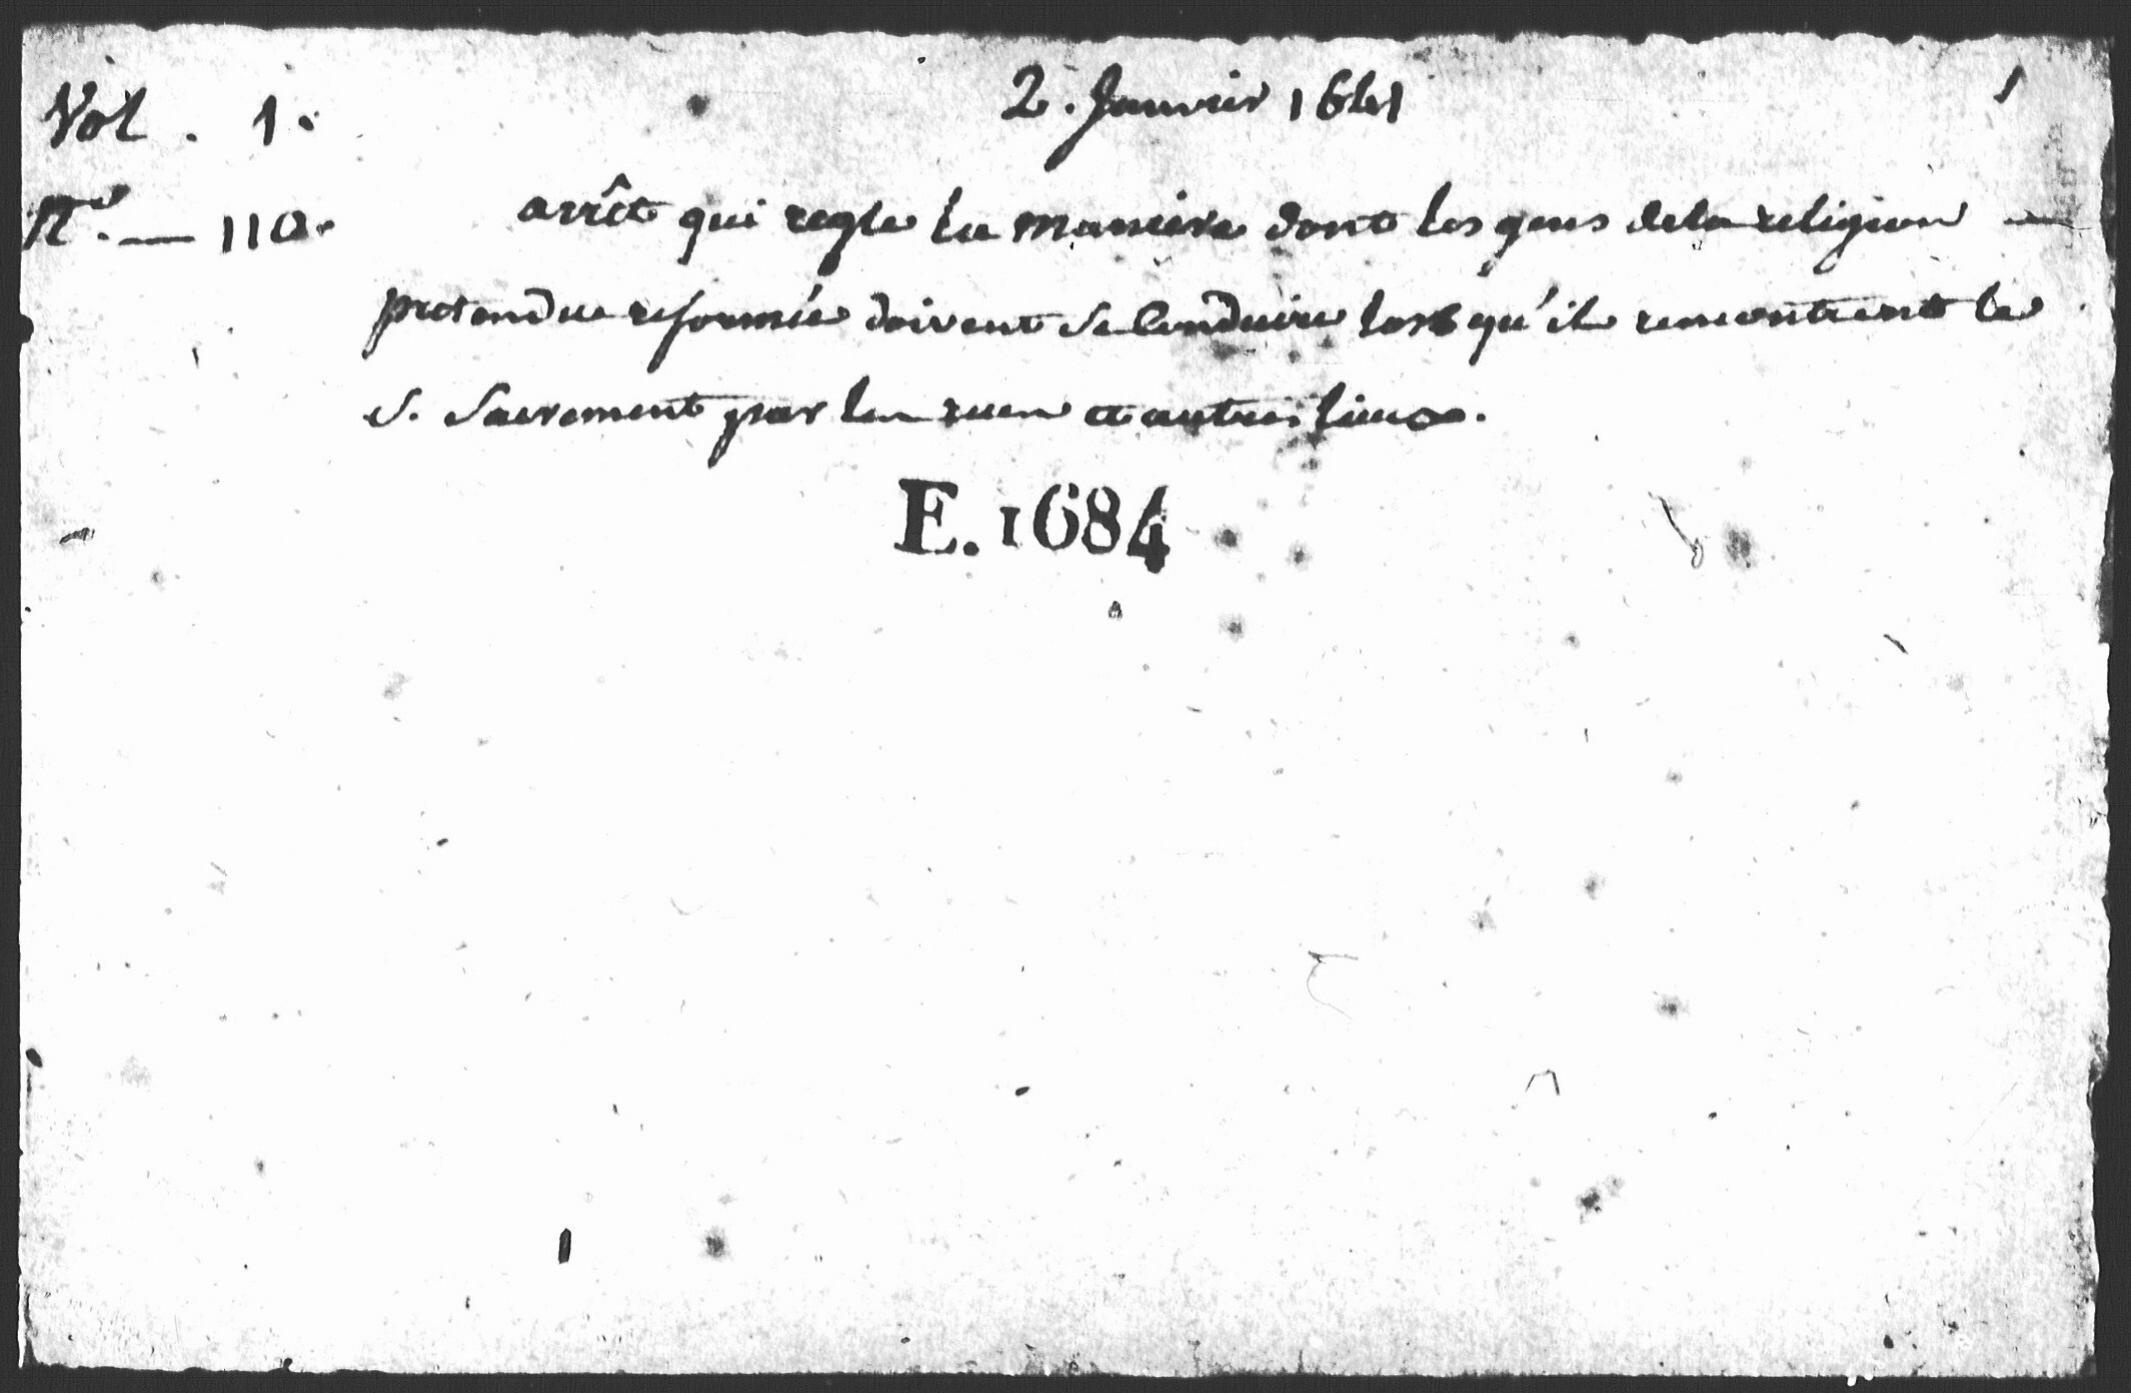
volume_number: n°110
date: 2 janvier 1641
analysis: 1
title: arrêt qui regle la maniere dont les gens de la religion pretendue reformée doivent se conduire lorsqu'ils rencontrent le S. Sacrement par les rues et autres lieux.
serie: E
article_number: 1684
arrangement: vol. 1.
